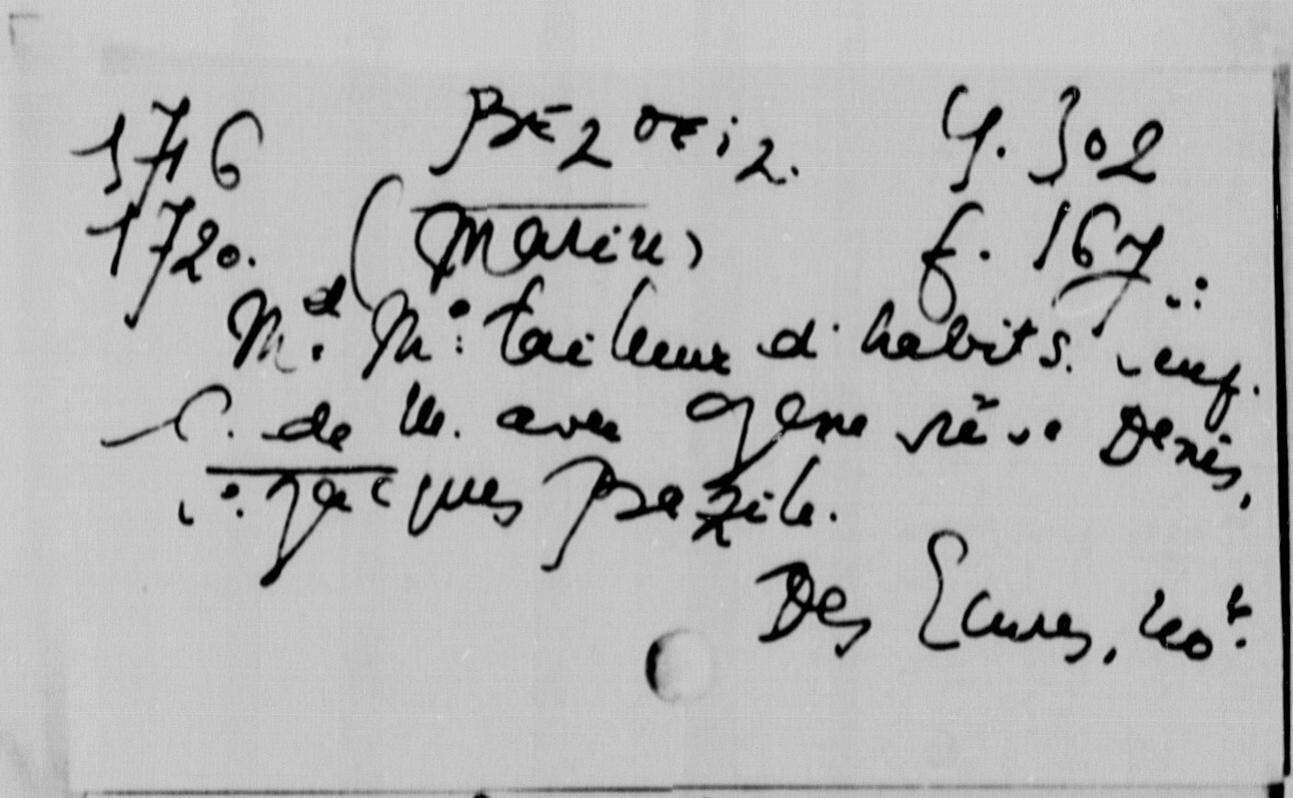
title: BEZOCIL (Marin)
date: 1716-1720
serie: Y
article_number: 302
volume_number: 167v
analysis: Marchand maître Tailleur d'habits, veuf. Contrat de mariage avec Geneviève Denis veuve Jacques Bazile Des Écures, notaire
